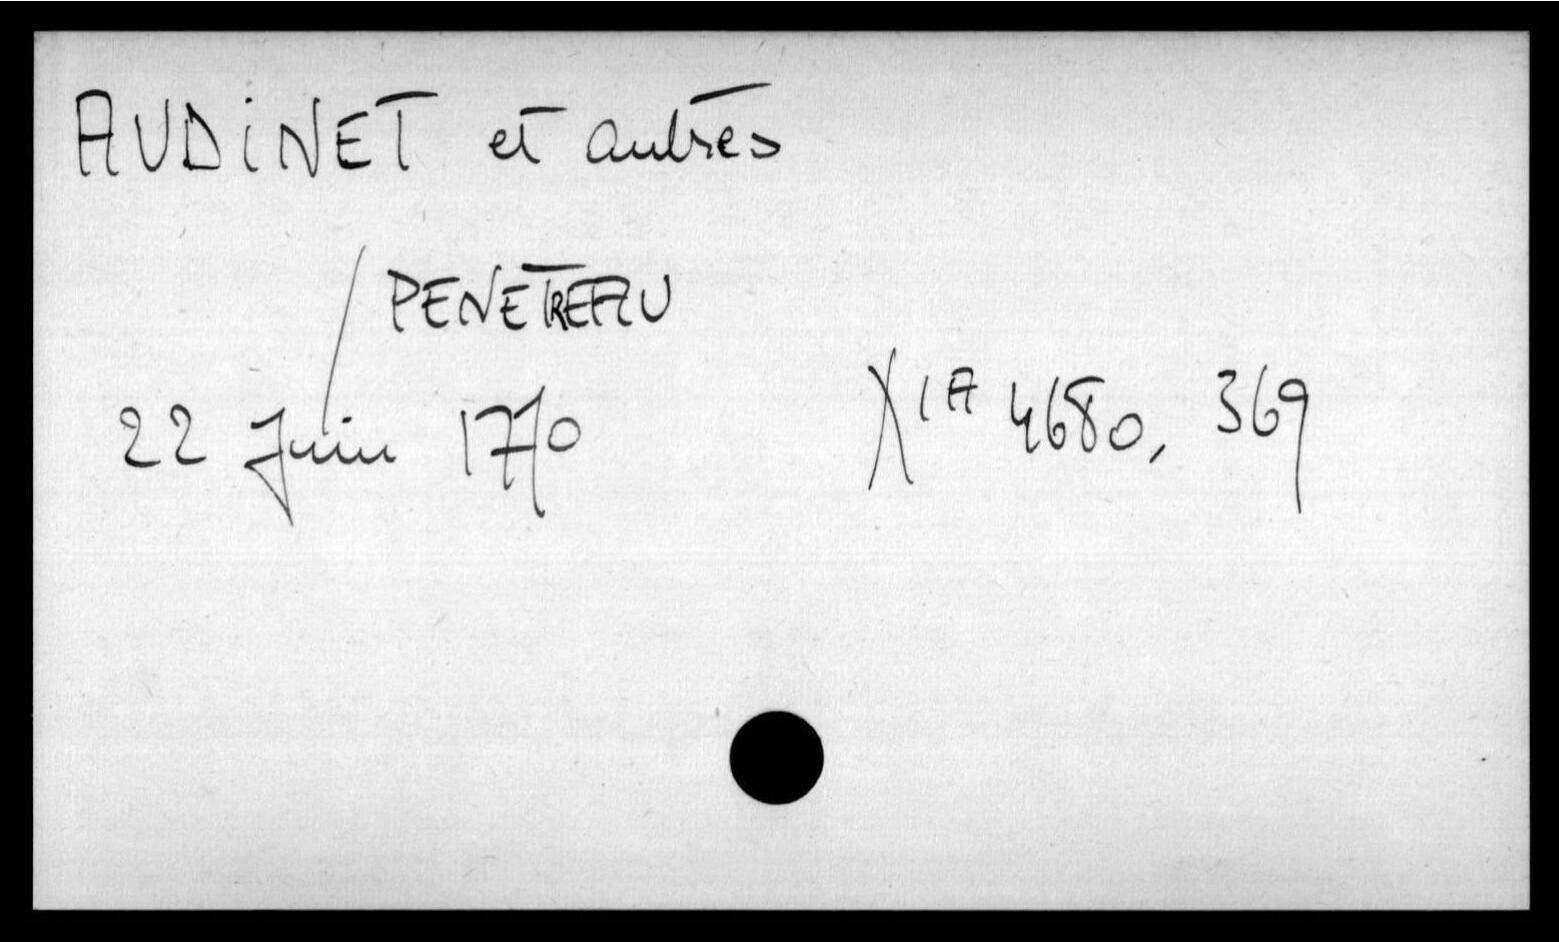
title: AUDINET et autres
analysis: Contre PENETREAU
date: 22 juin 1770
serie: X1A
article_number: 4680
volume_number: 369
